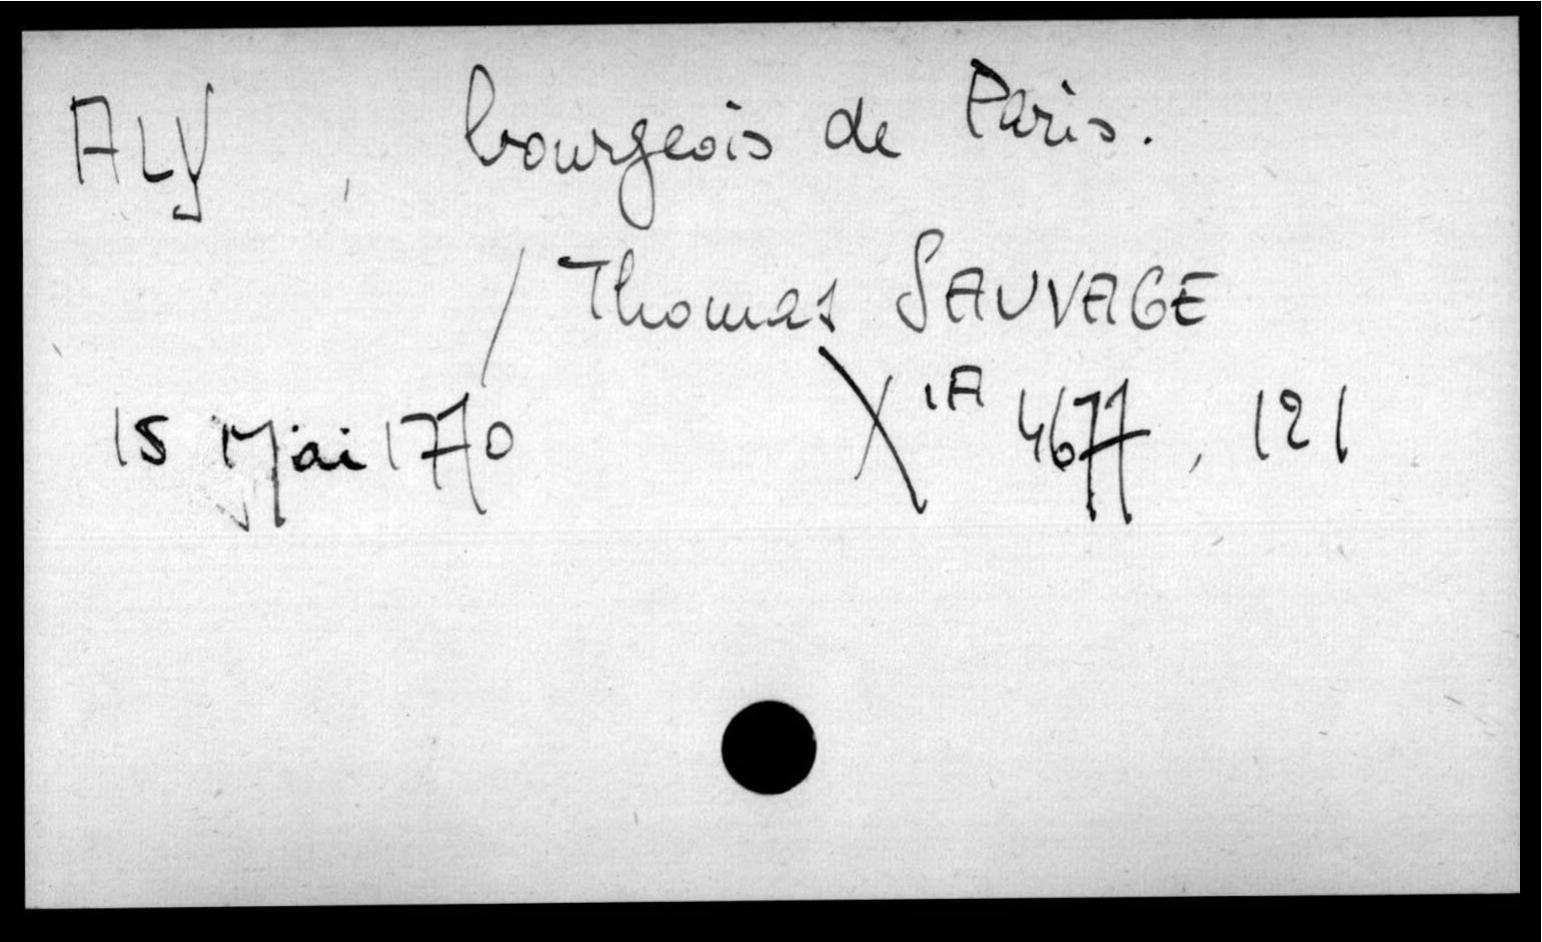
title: ALY, bourgeois de Paris.
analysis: Contre Thomas SAUVAGE
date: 15 mai 1770
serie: X1A
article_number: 4677
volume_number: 121
